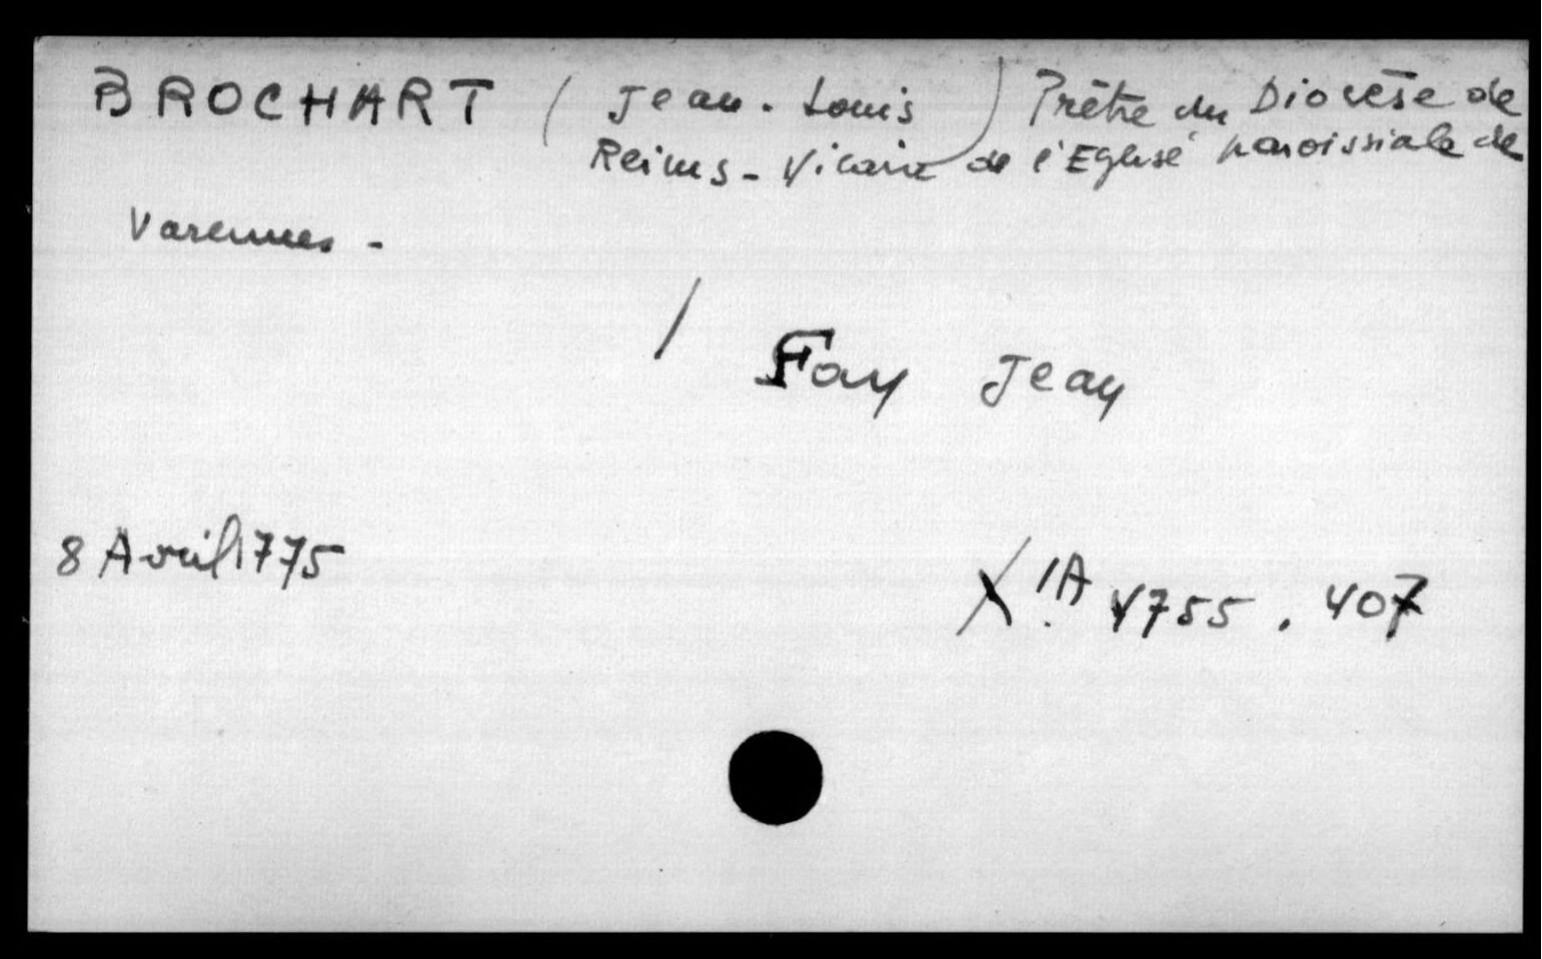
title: BROCHART (Jean-Louis) Prêtre du Diocèse de Reims-Vicaire de l'Eglise paroissiale de Varennes
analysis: Contre Fay Jean
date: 8 avril 1775
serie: X1A
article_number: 4755
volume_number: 407
